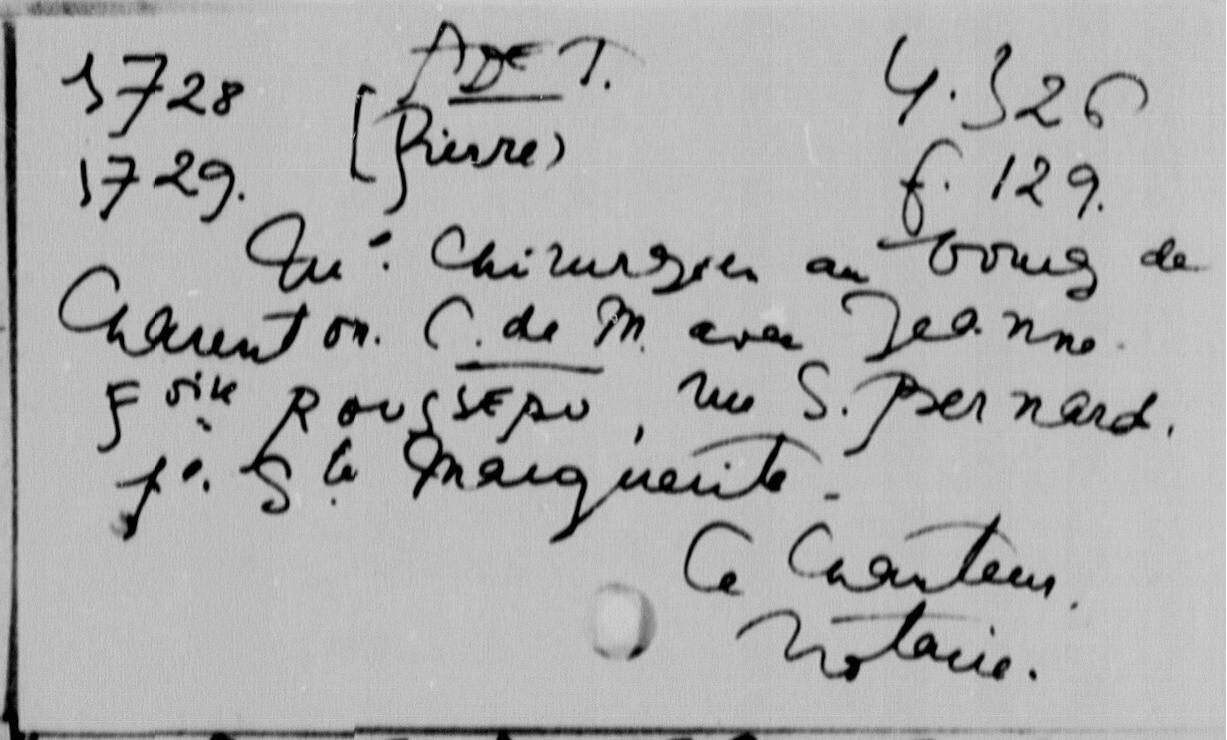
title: ADET (Pierre)
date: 1728-1729
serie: Y
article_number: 326
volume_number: folio 129
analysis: Maître chirurgien au bourg de Charenton. Contrat de mariage avec Jeanne Françoise Rousseau, rue Saint Bernard, paroisse Sainte Marguerite Le Chanteur, notaire
